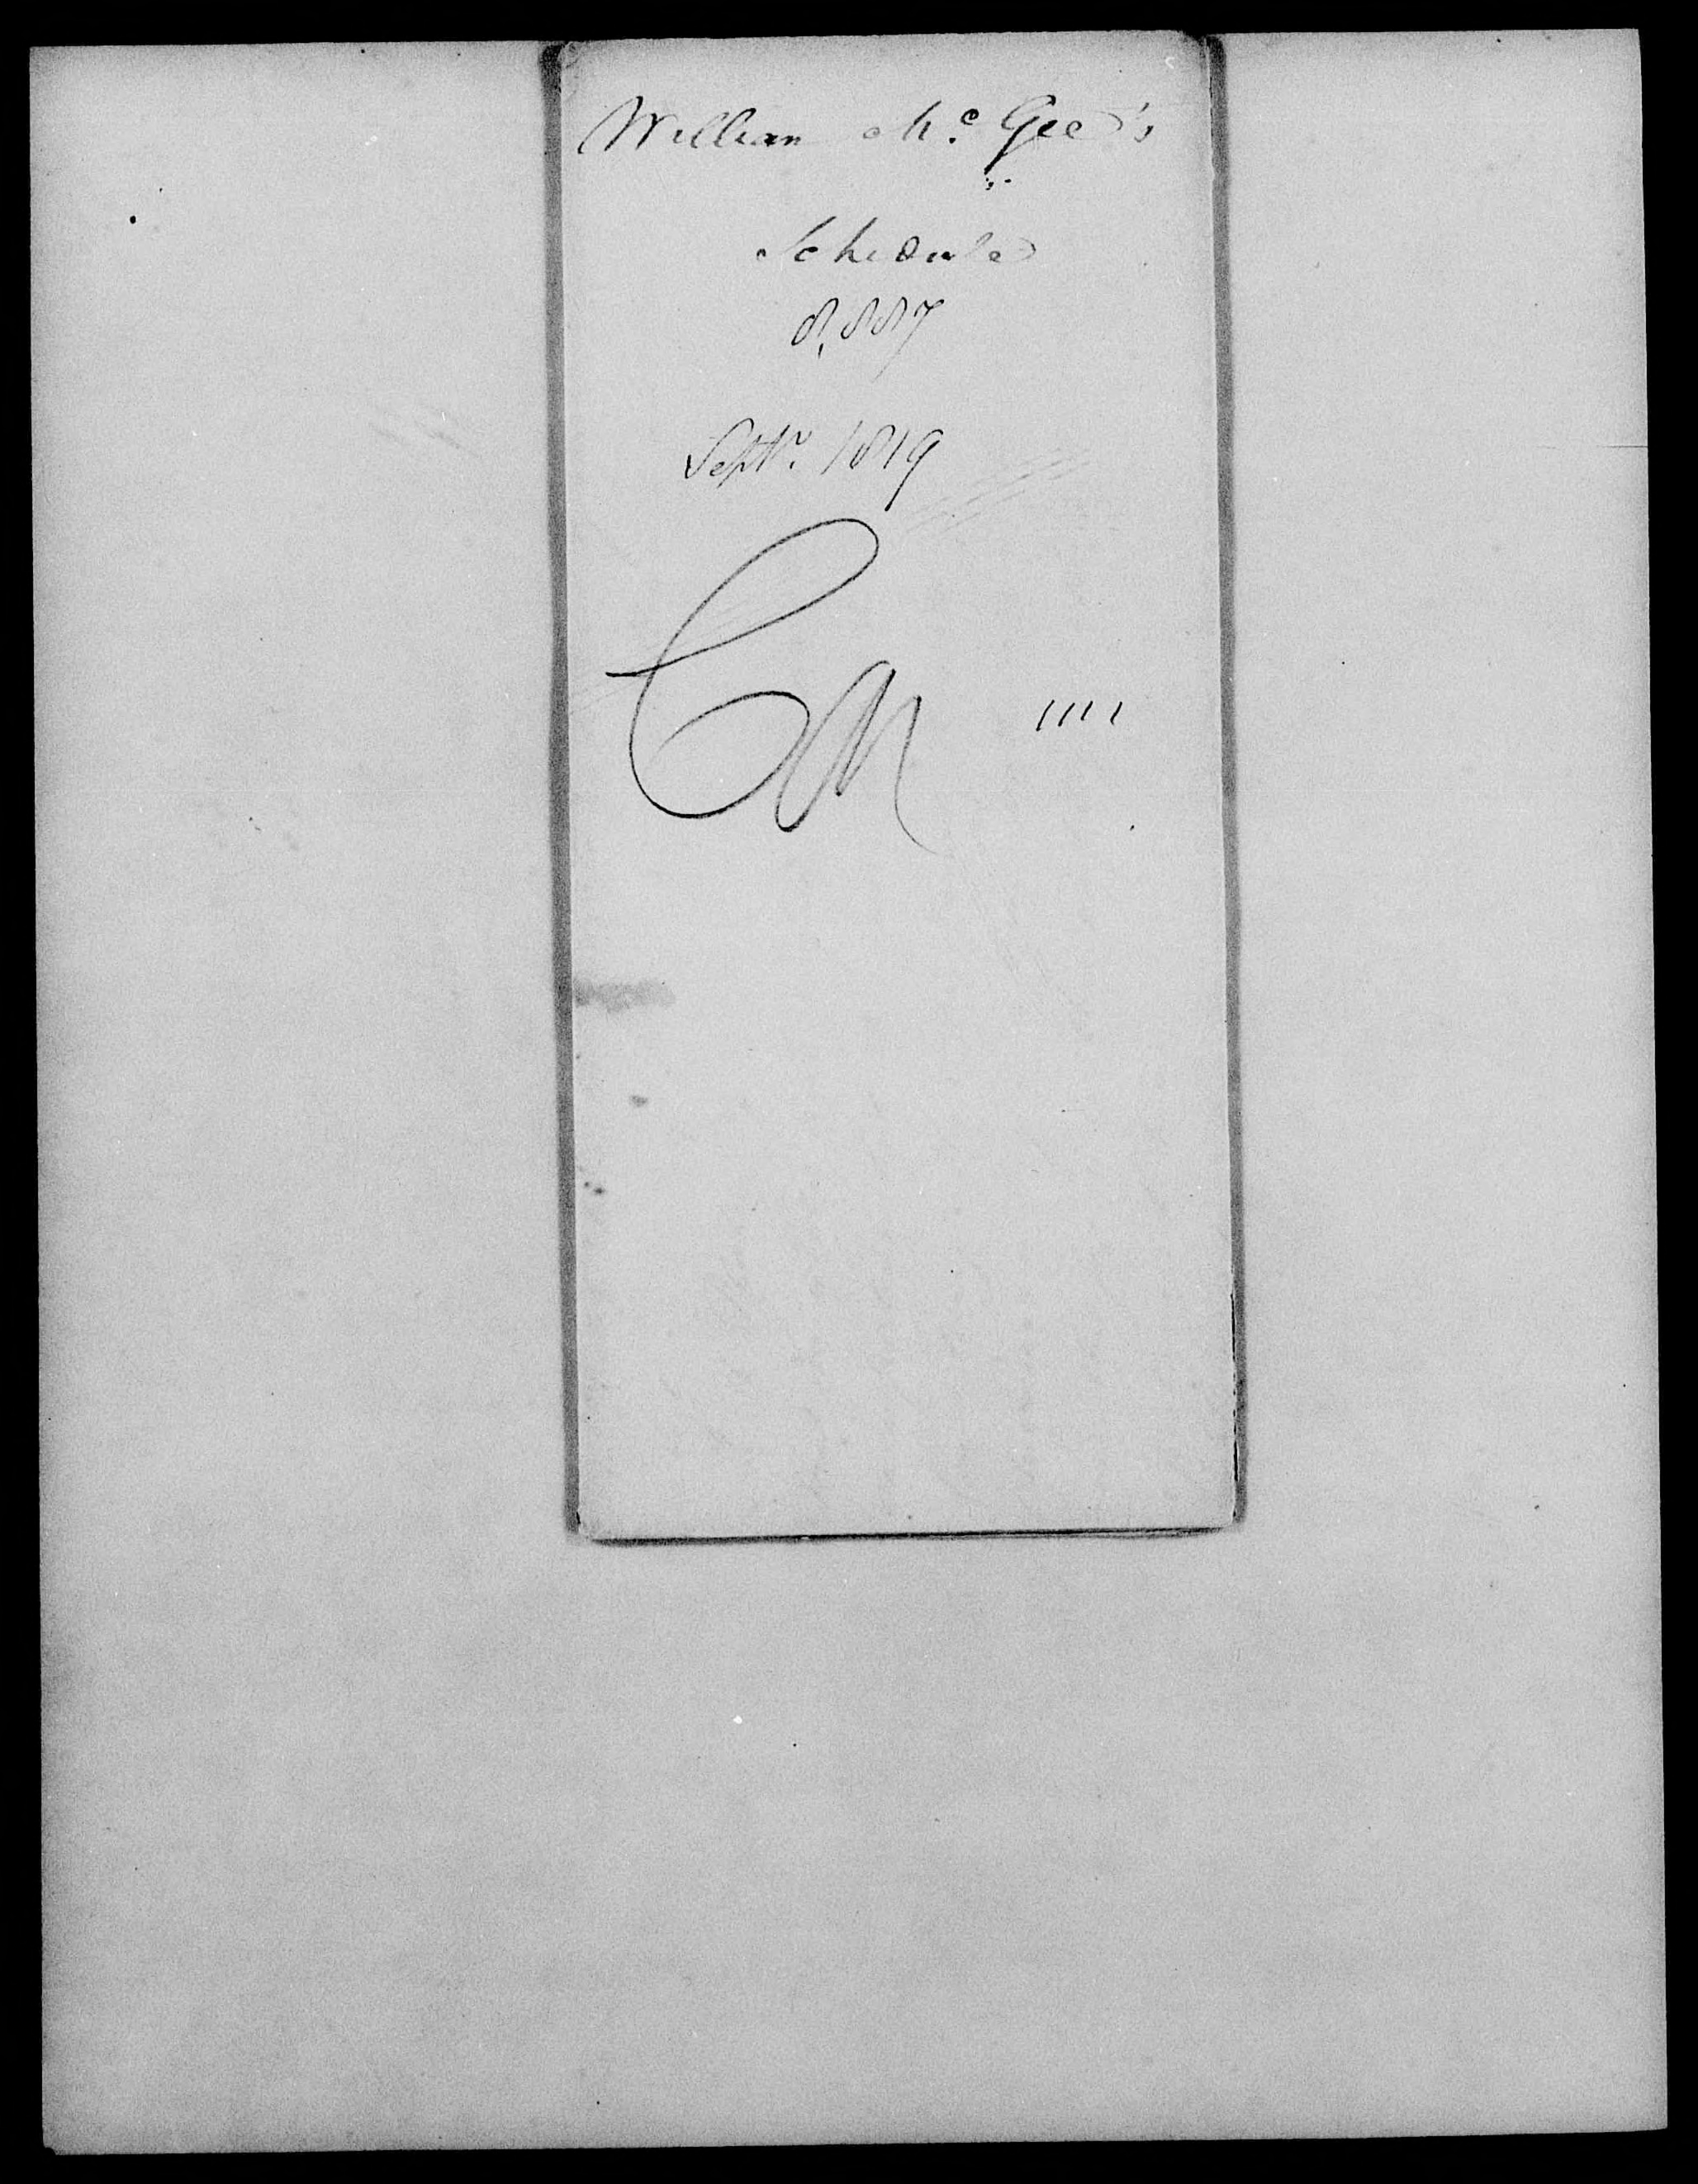William McGee's
Schedule
8887

Sept. 1819

Car     1111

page: 6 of 17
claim: survivor's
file: S. 34980, for William Mc Gee, Maryland